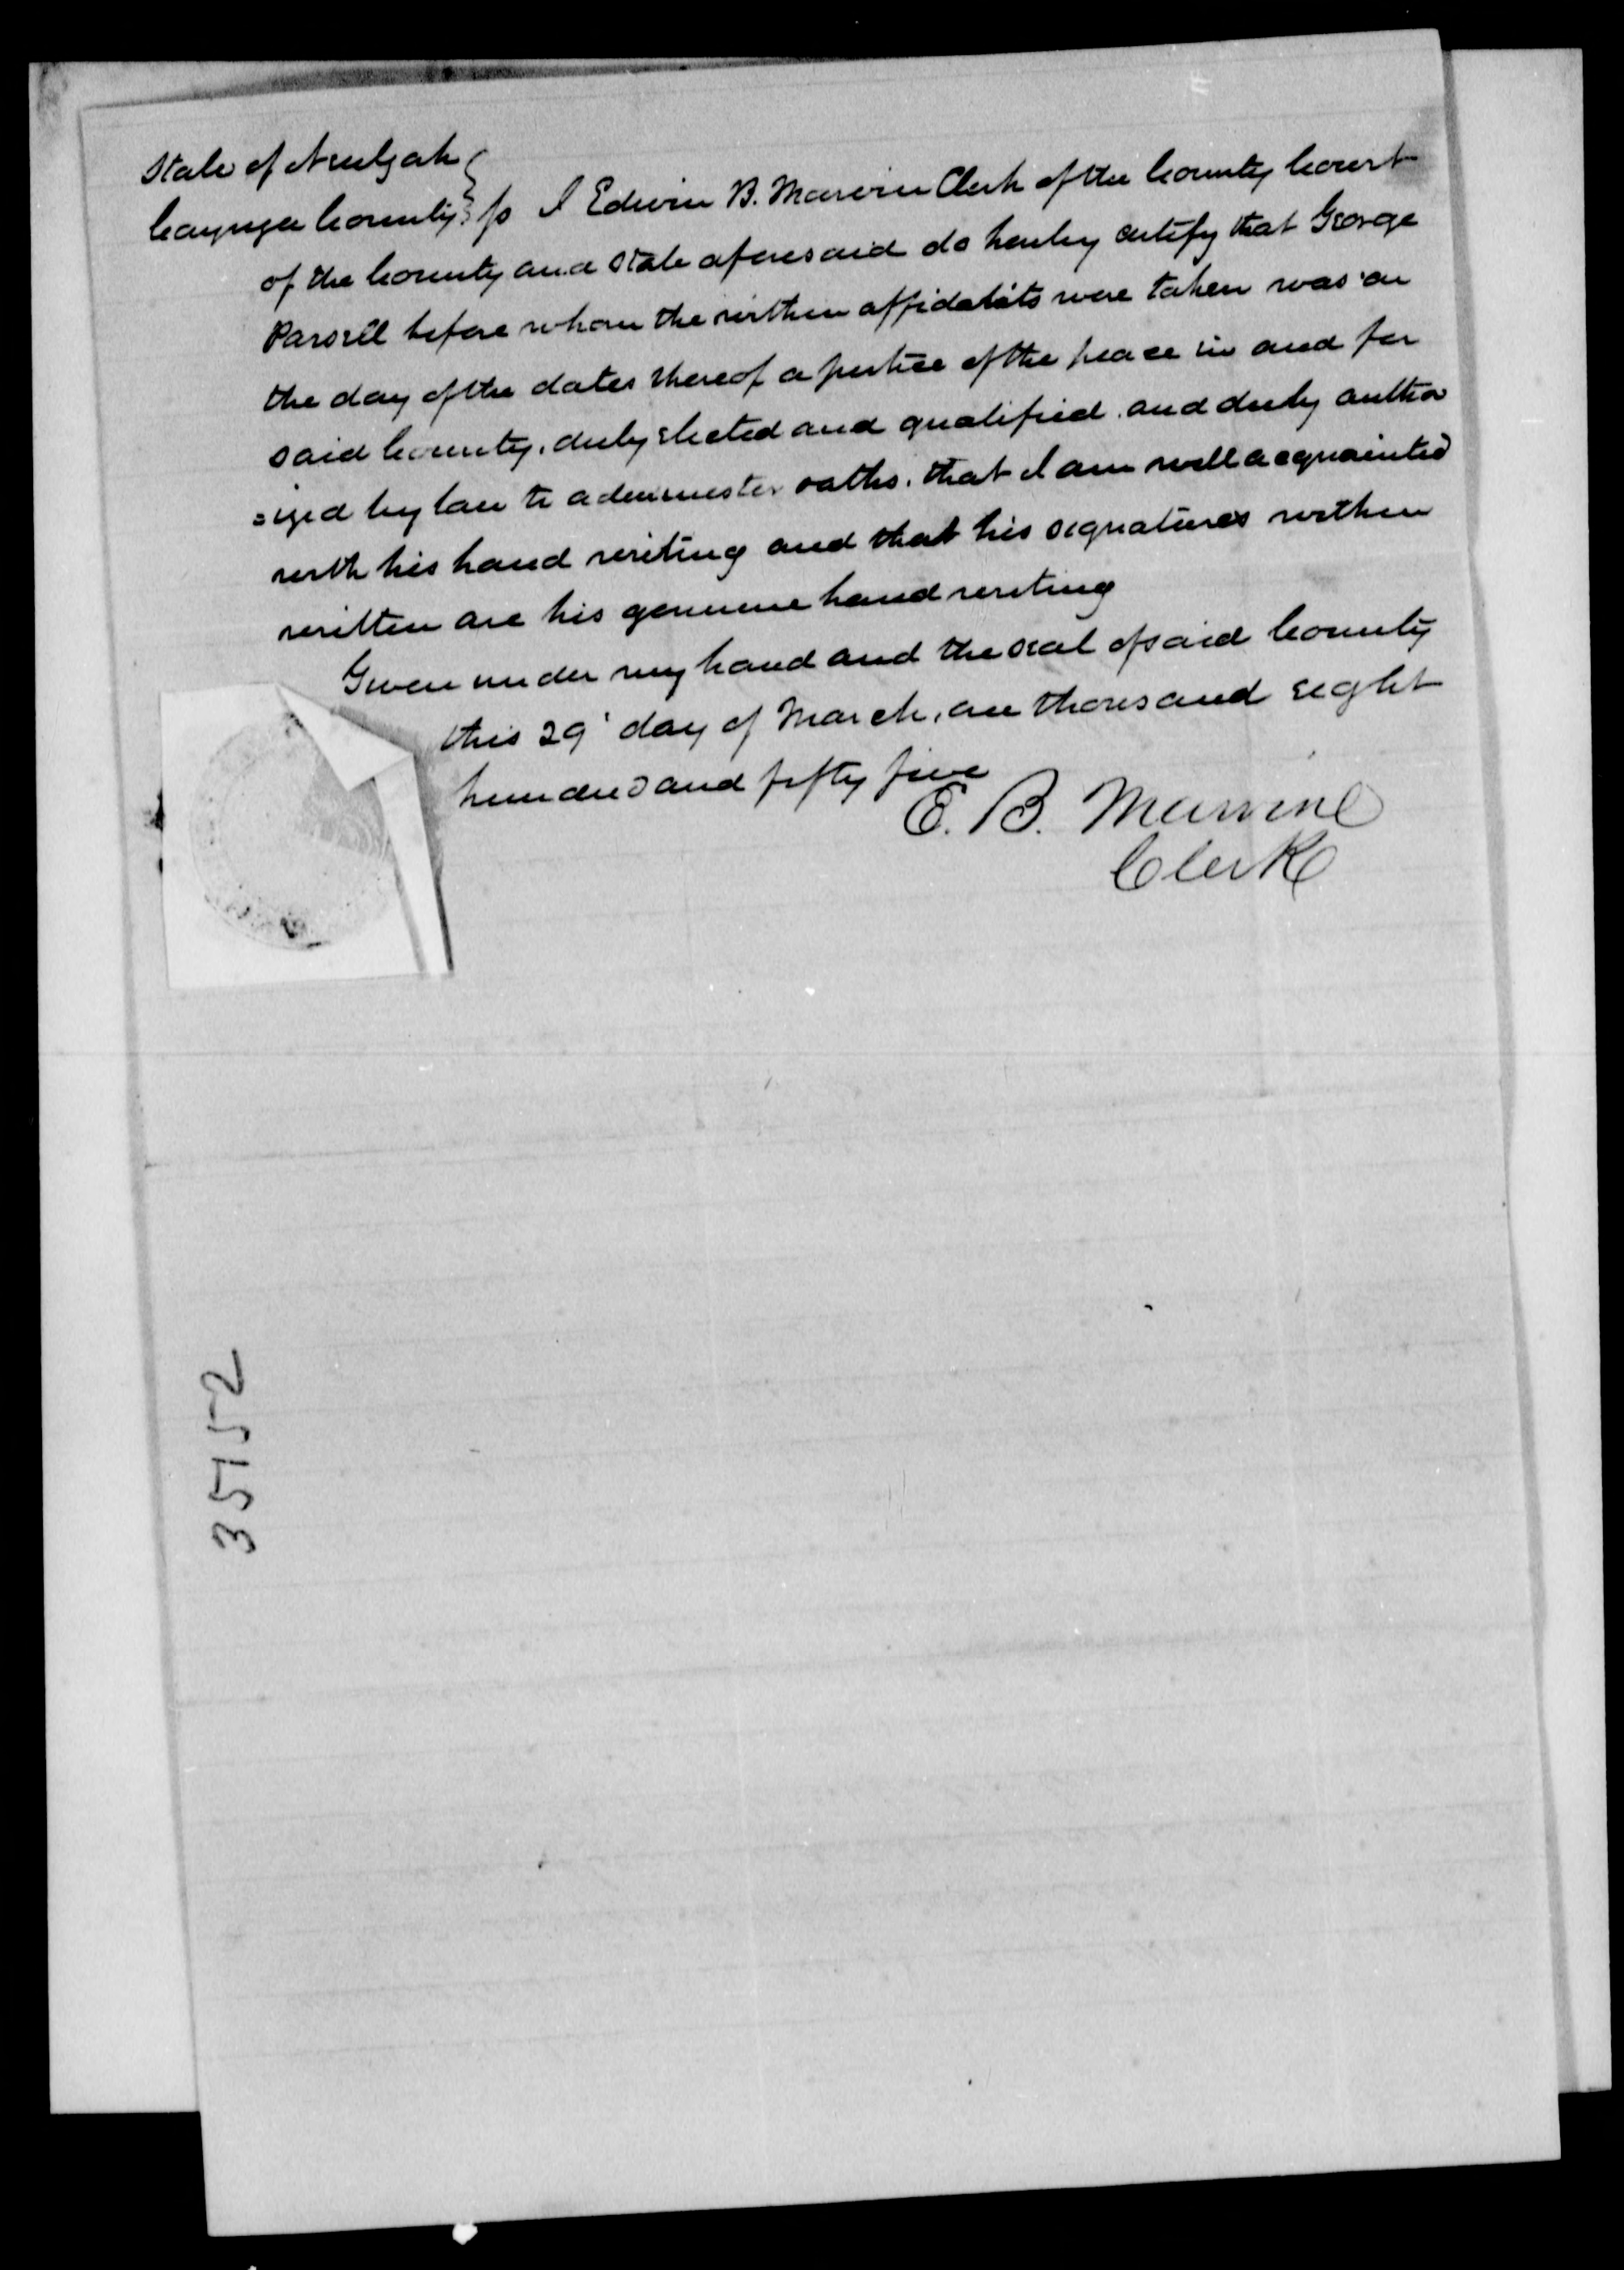State of New York
Cayuga County SS
I Edwin B. Marvin Clerk of the County Court of the County and State aforesaid do hereby certify that George Parsell before whom the withing affidavits were taken was on the day of the date thereof a Justice of the peace in and for said County, duly elected and qualified and duly authorized by law to administer oaths. That I am well acquainted with his hand writing and that his signatures within written are his genuine hand writing.
Given under my hand and the seal of said County this 29 day of March one thousand eight hundred and fifty five.
(Seal)
E. B. Marvin, Clerk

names: Edwin B Marvin, George Parsell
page: 23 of 98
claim: widow's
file: W. 1682, Valentine Wheeler, Mass.